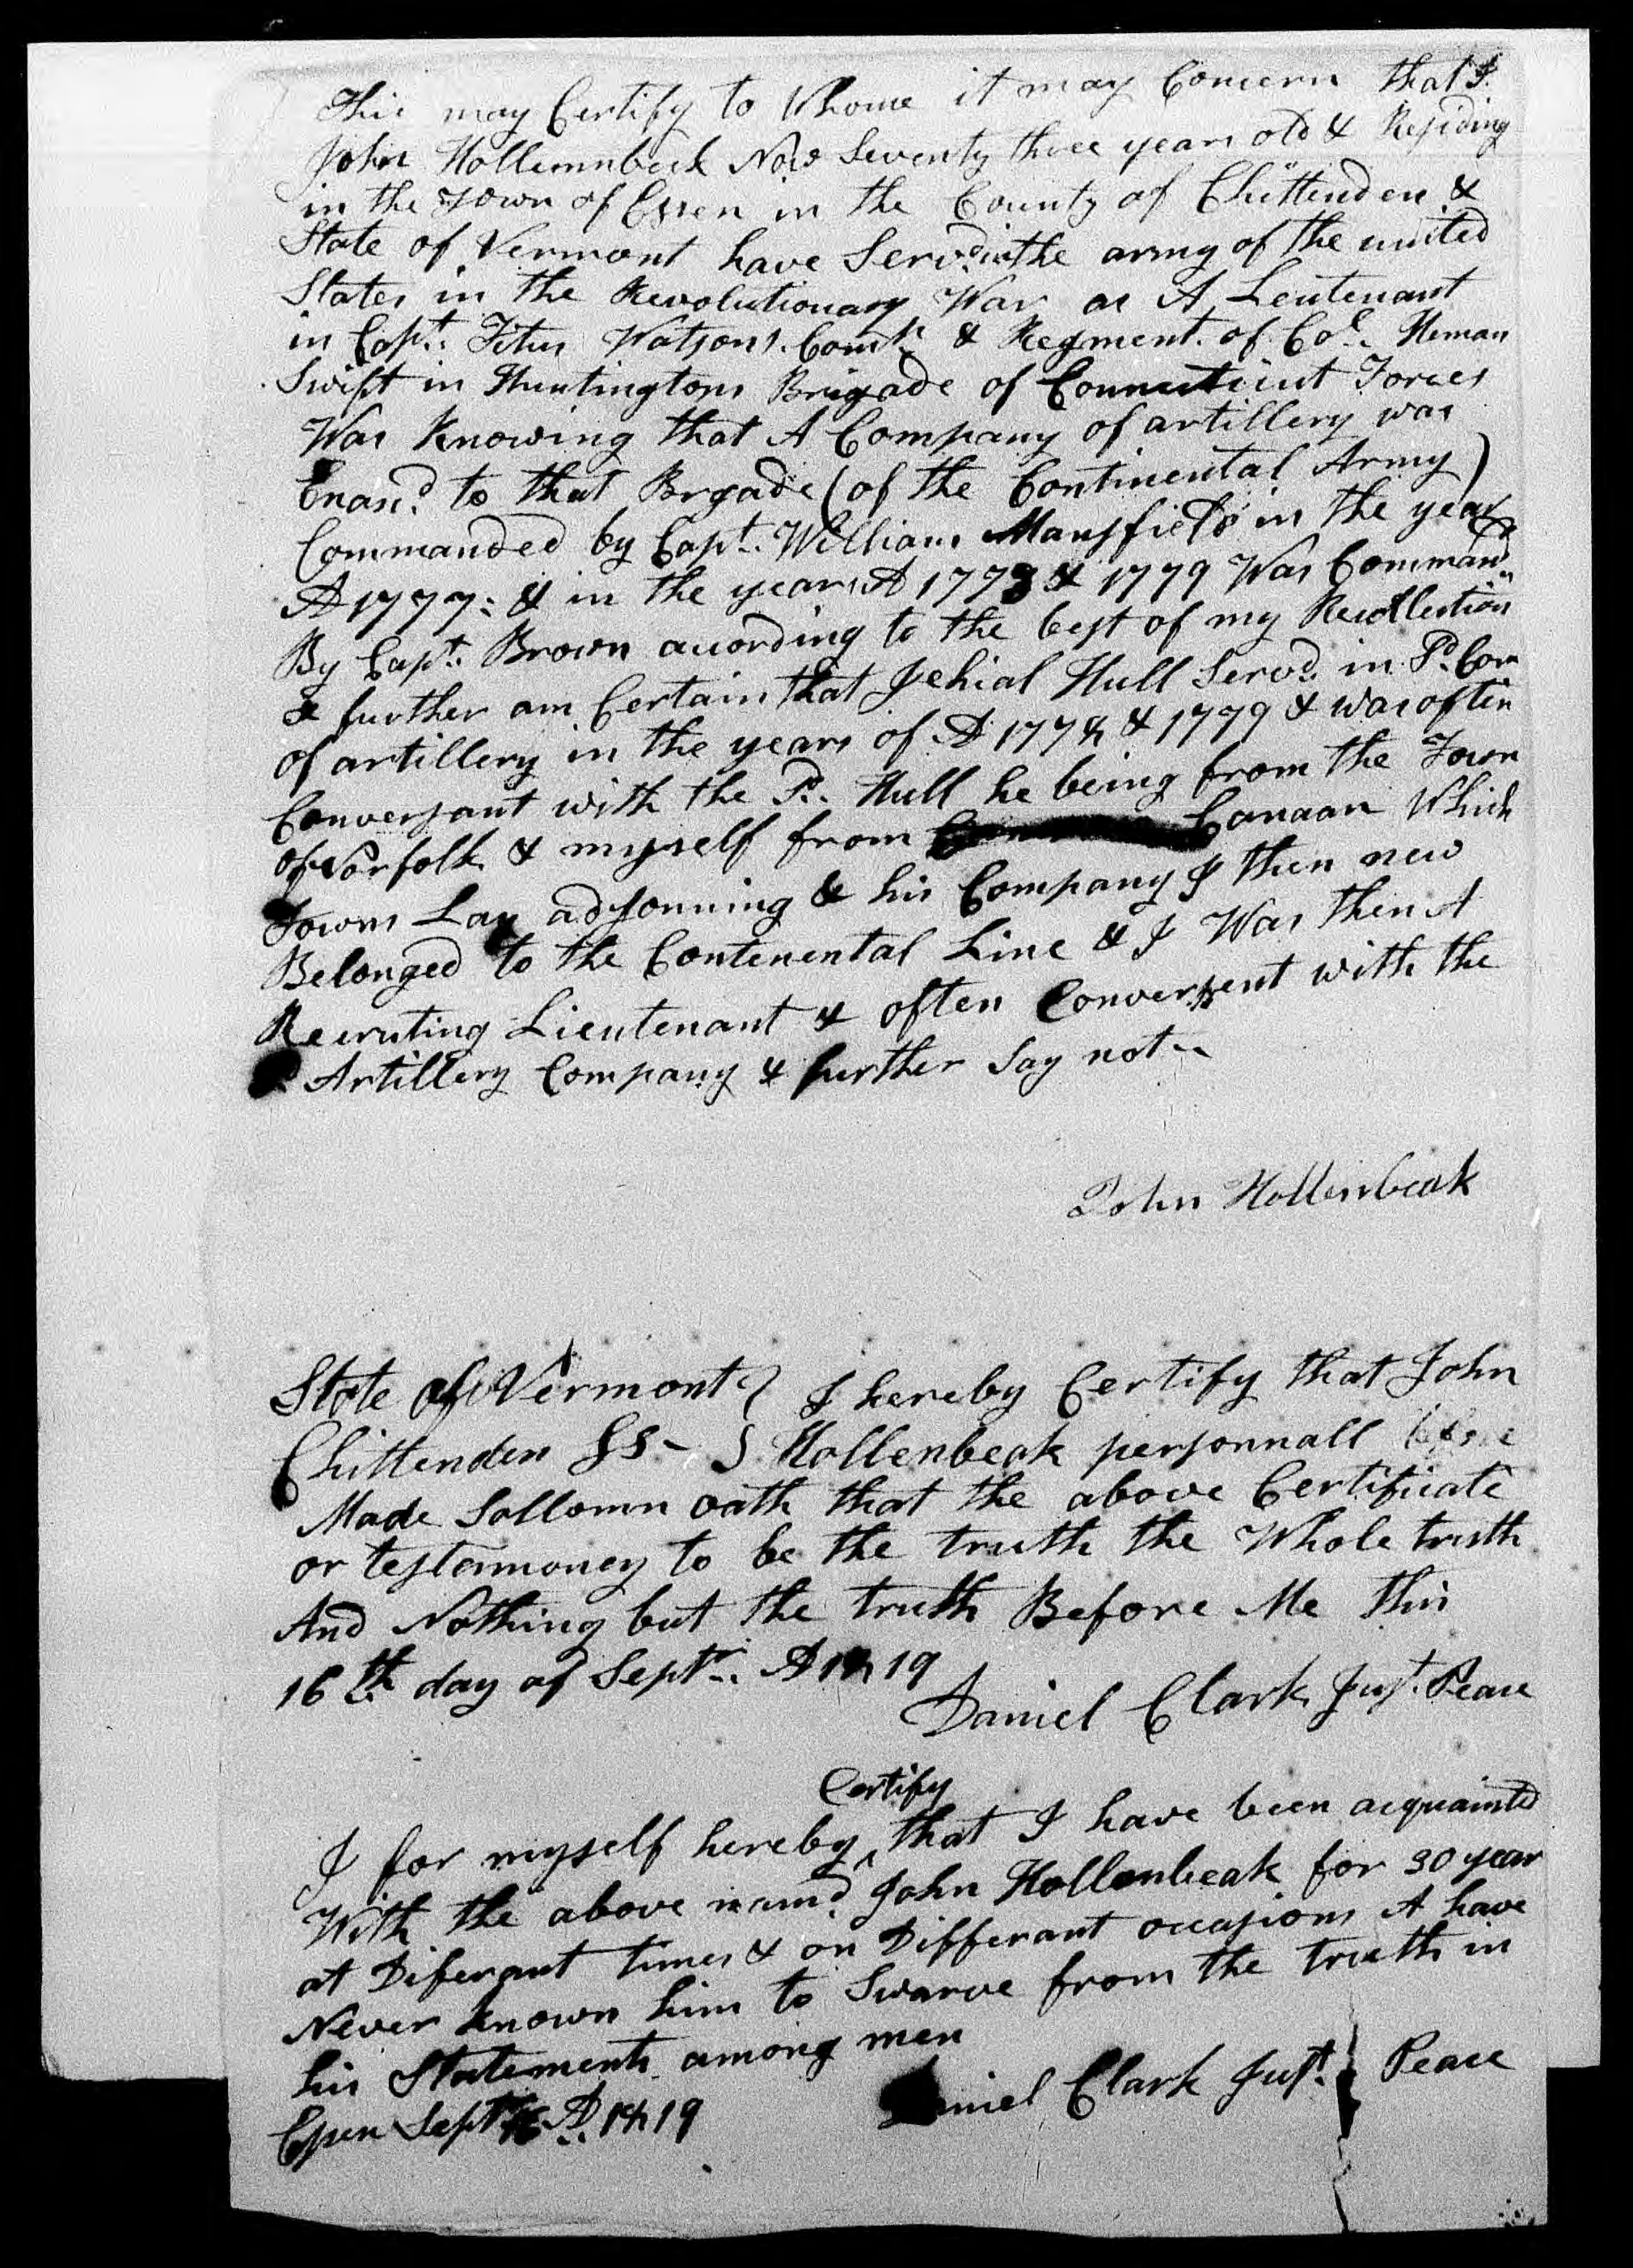This may certify to whom it may concern that John Hullenbeak now seventy - three years old and keeping in the town of ILLEGIBLE in the county of ILLEGIBLE and state of Vermont have served in the army of the united States in the Revolutionary War on A Leutenent in Capt ILLEGIBLE Watson ILLEGIBLE & Regiment of Col ILLEGIBLE Swift in Huntingtons brigade of Connecticut Forces War knowing that A Company of artillery was ILLEGIBLE ti that brigade ( of the continental Army) Commanded by Capt William ILLEGIBLE in the year 1777 : y in the years 1778 & 1779 War Command by Capt Brown ILLEGIBLE to the Capt of my ILLEGIBLE & further am certain that Jehial Hull served in P. Con of artillery in the years 1778 & 1779 & war often conservant with the J Hull he being from the town of ILLEGIBLE myself from ILLEGIBLE which town lay adjoining & his Company of then new Belonged to the Continental Line & I was then A ILLEGIBLE Lieutenant & often conversent with the Artillery Company & herther say not.
John Hullenbeak
State of Vermont ILLEGIBLE } I hereby certify that John Hullenbeak personally made sollomn oath that the above certificate or testimony to be the truth the whole truth and nothing but the truth before me this 16th day of Sept ILLEGIBLE19
Daniel Clark Just. Peace
I for myself hereby certify that I have been aquainted with the above named John Hullenbeak for 30 years at Diferport times & on Different occupation A have Never known him to service from the truth in his statements amongst man
ILLEGIBLE Sept 19 Daniel Clark Just. Peace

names: John Hollemnbeck, John Hollenbeak, Daniel Clark, William Mansfield, Jehial Hull, Brown, Heman Swift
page: 42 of 58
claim: widow's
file: W. 25813, Jehiel Hull, Conn.